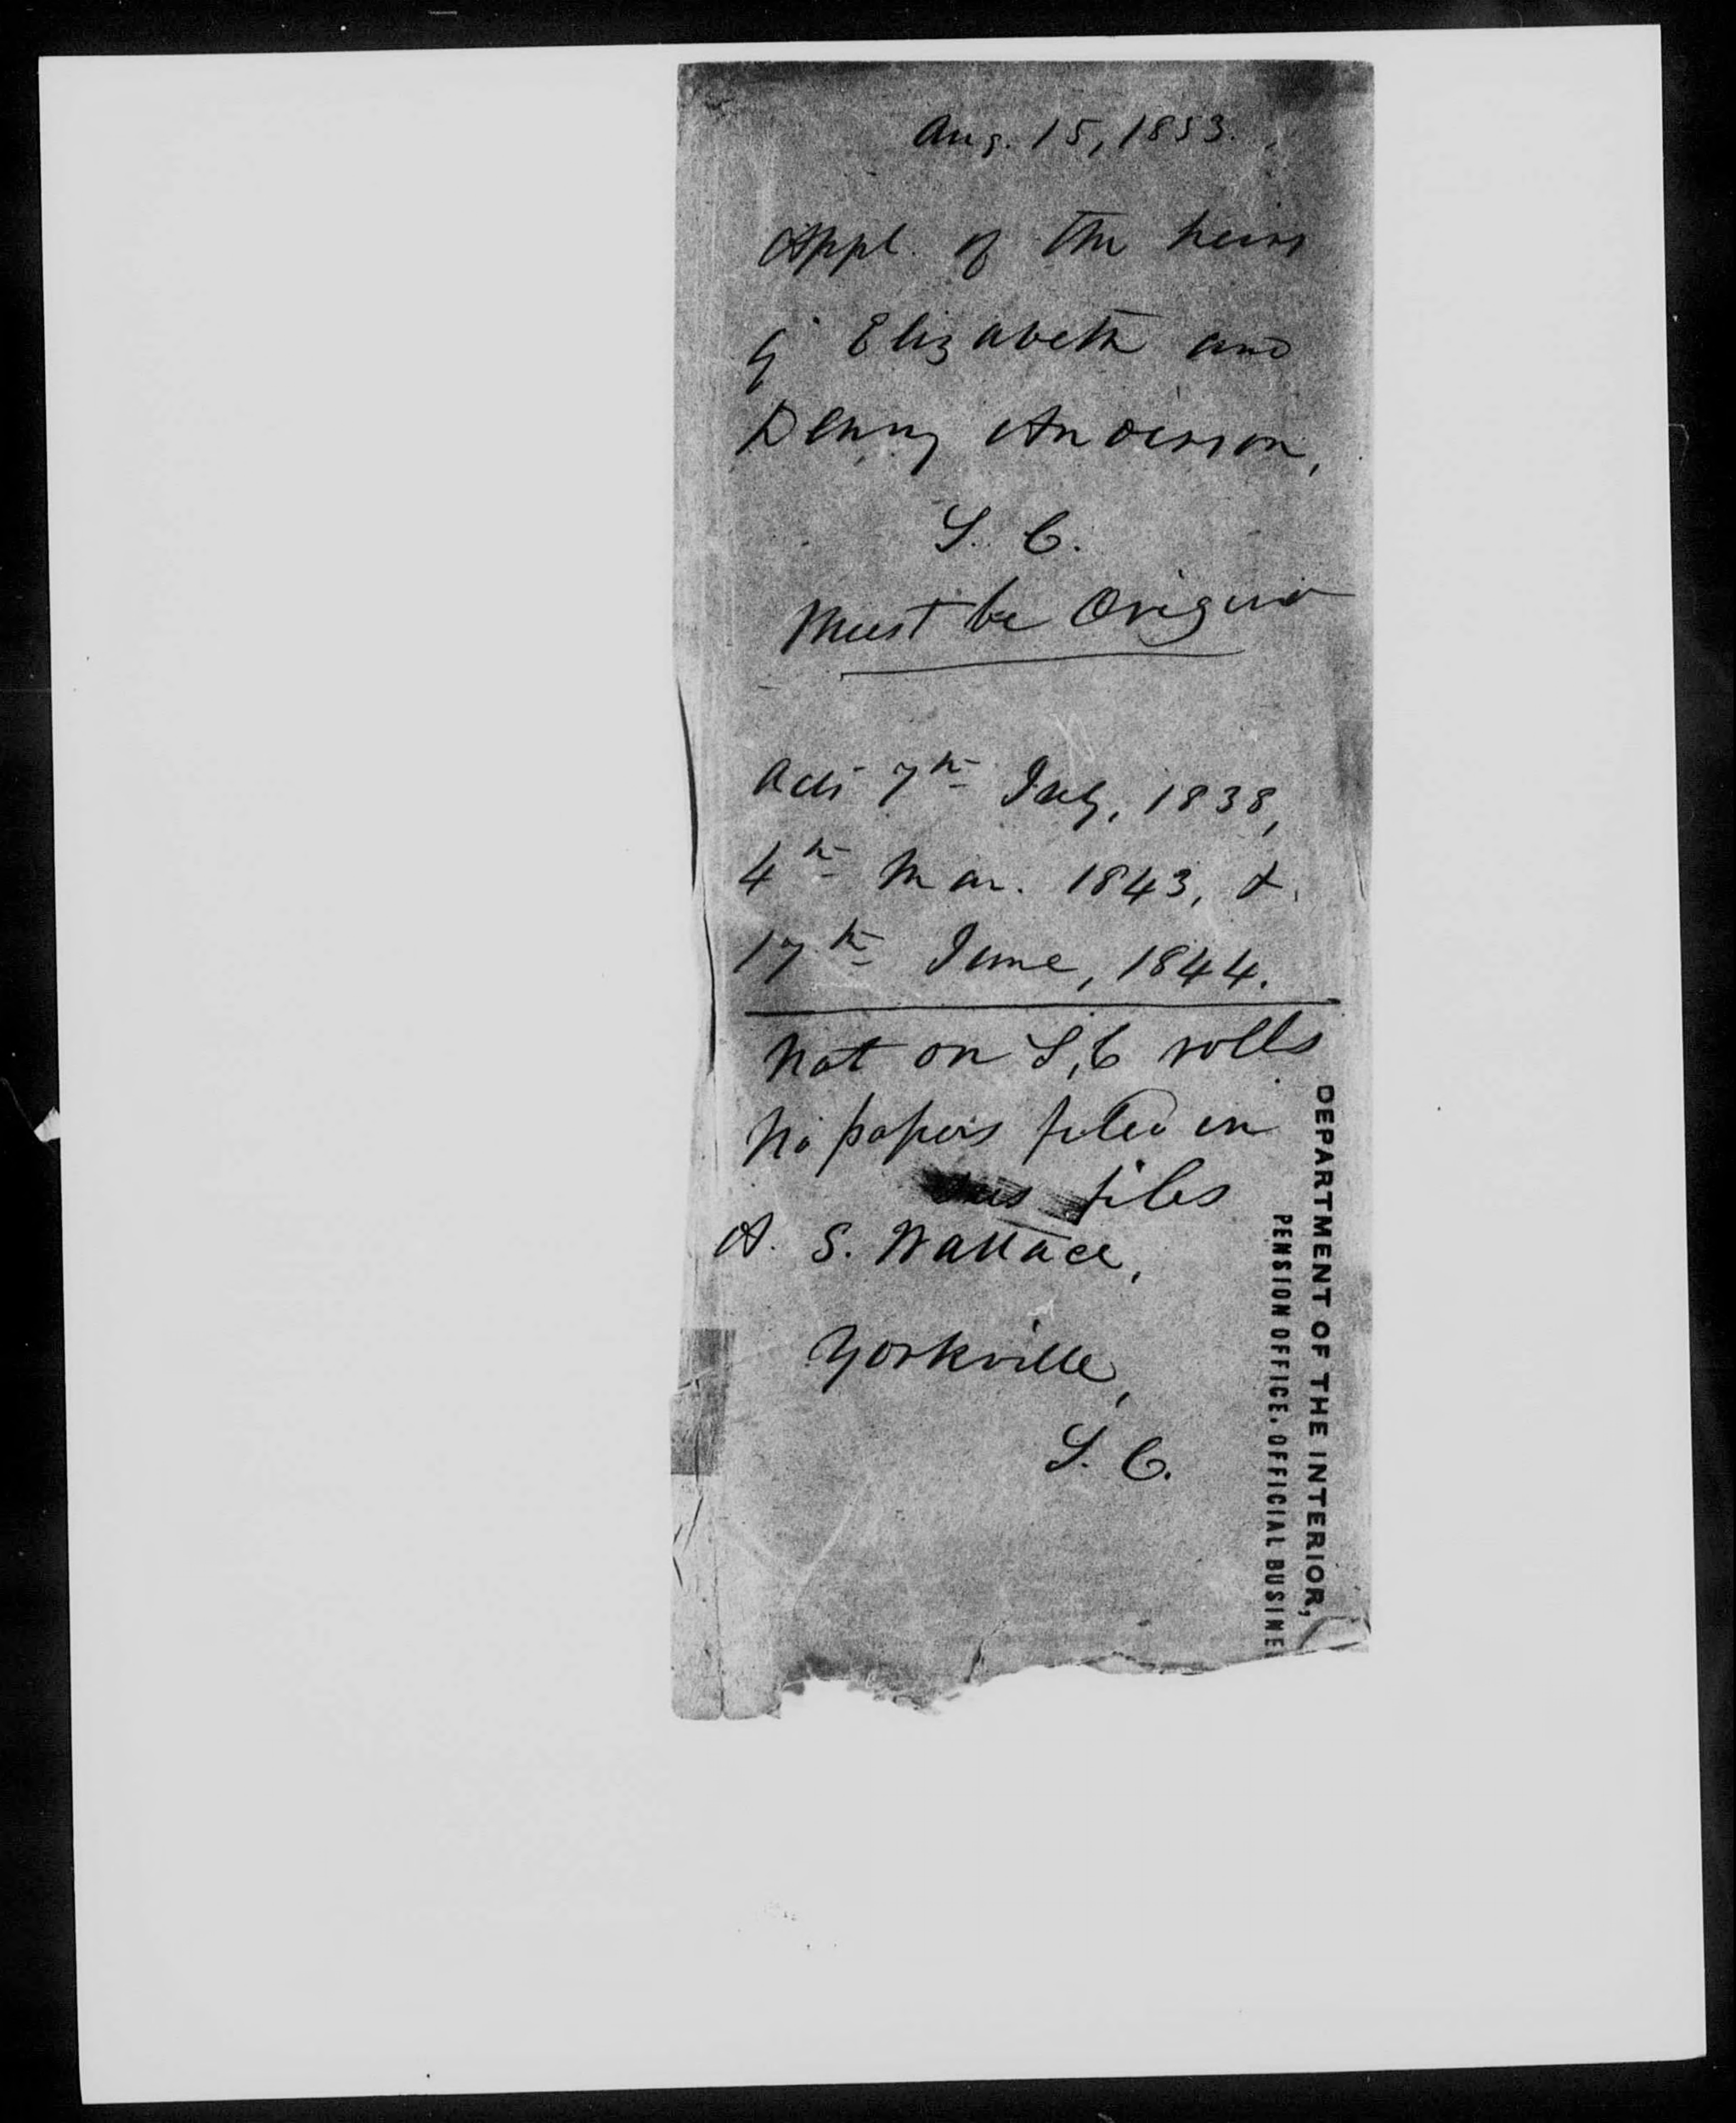Aug. 15, 1853
Appl. of the heirs of Elizabeth and Denny Anderson,
S.C.
Must be Original
---
Acts 7th July, 1838, 4th Mar. 1843, & 17th June, 1844.
---
Not on S.C. rolls
No papers filed in files
A. S. Wallace,
Yorkville, S,C.

[Above written on old envelope with following address]
DEPARTMENT OF THE INTERIOR,
PENSION OFFICE, OFFICIAL BUSINE[SS]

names: A S Wallace, Elizabeth Anderson, Denny Anderson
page: 24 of 51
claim: widow's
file: W. 9700, Denney Anderson, S.C.